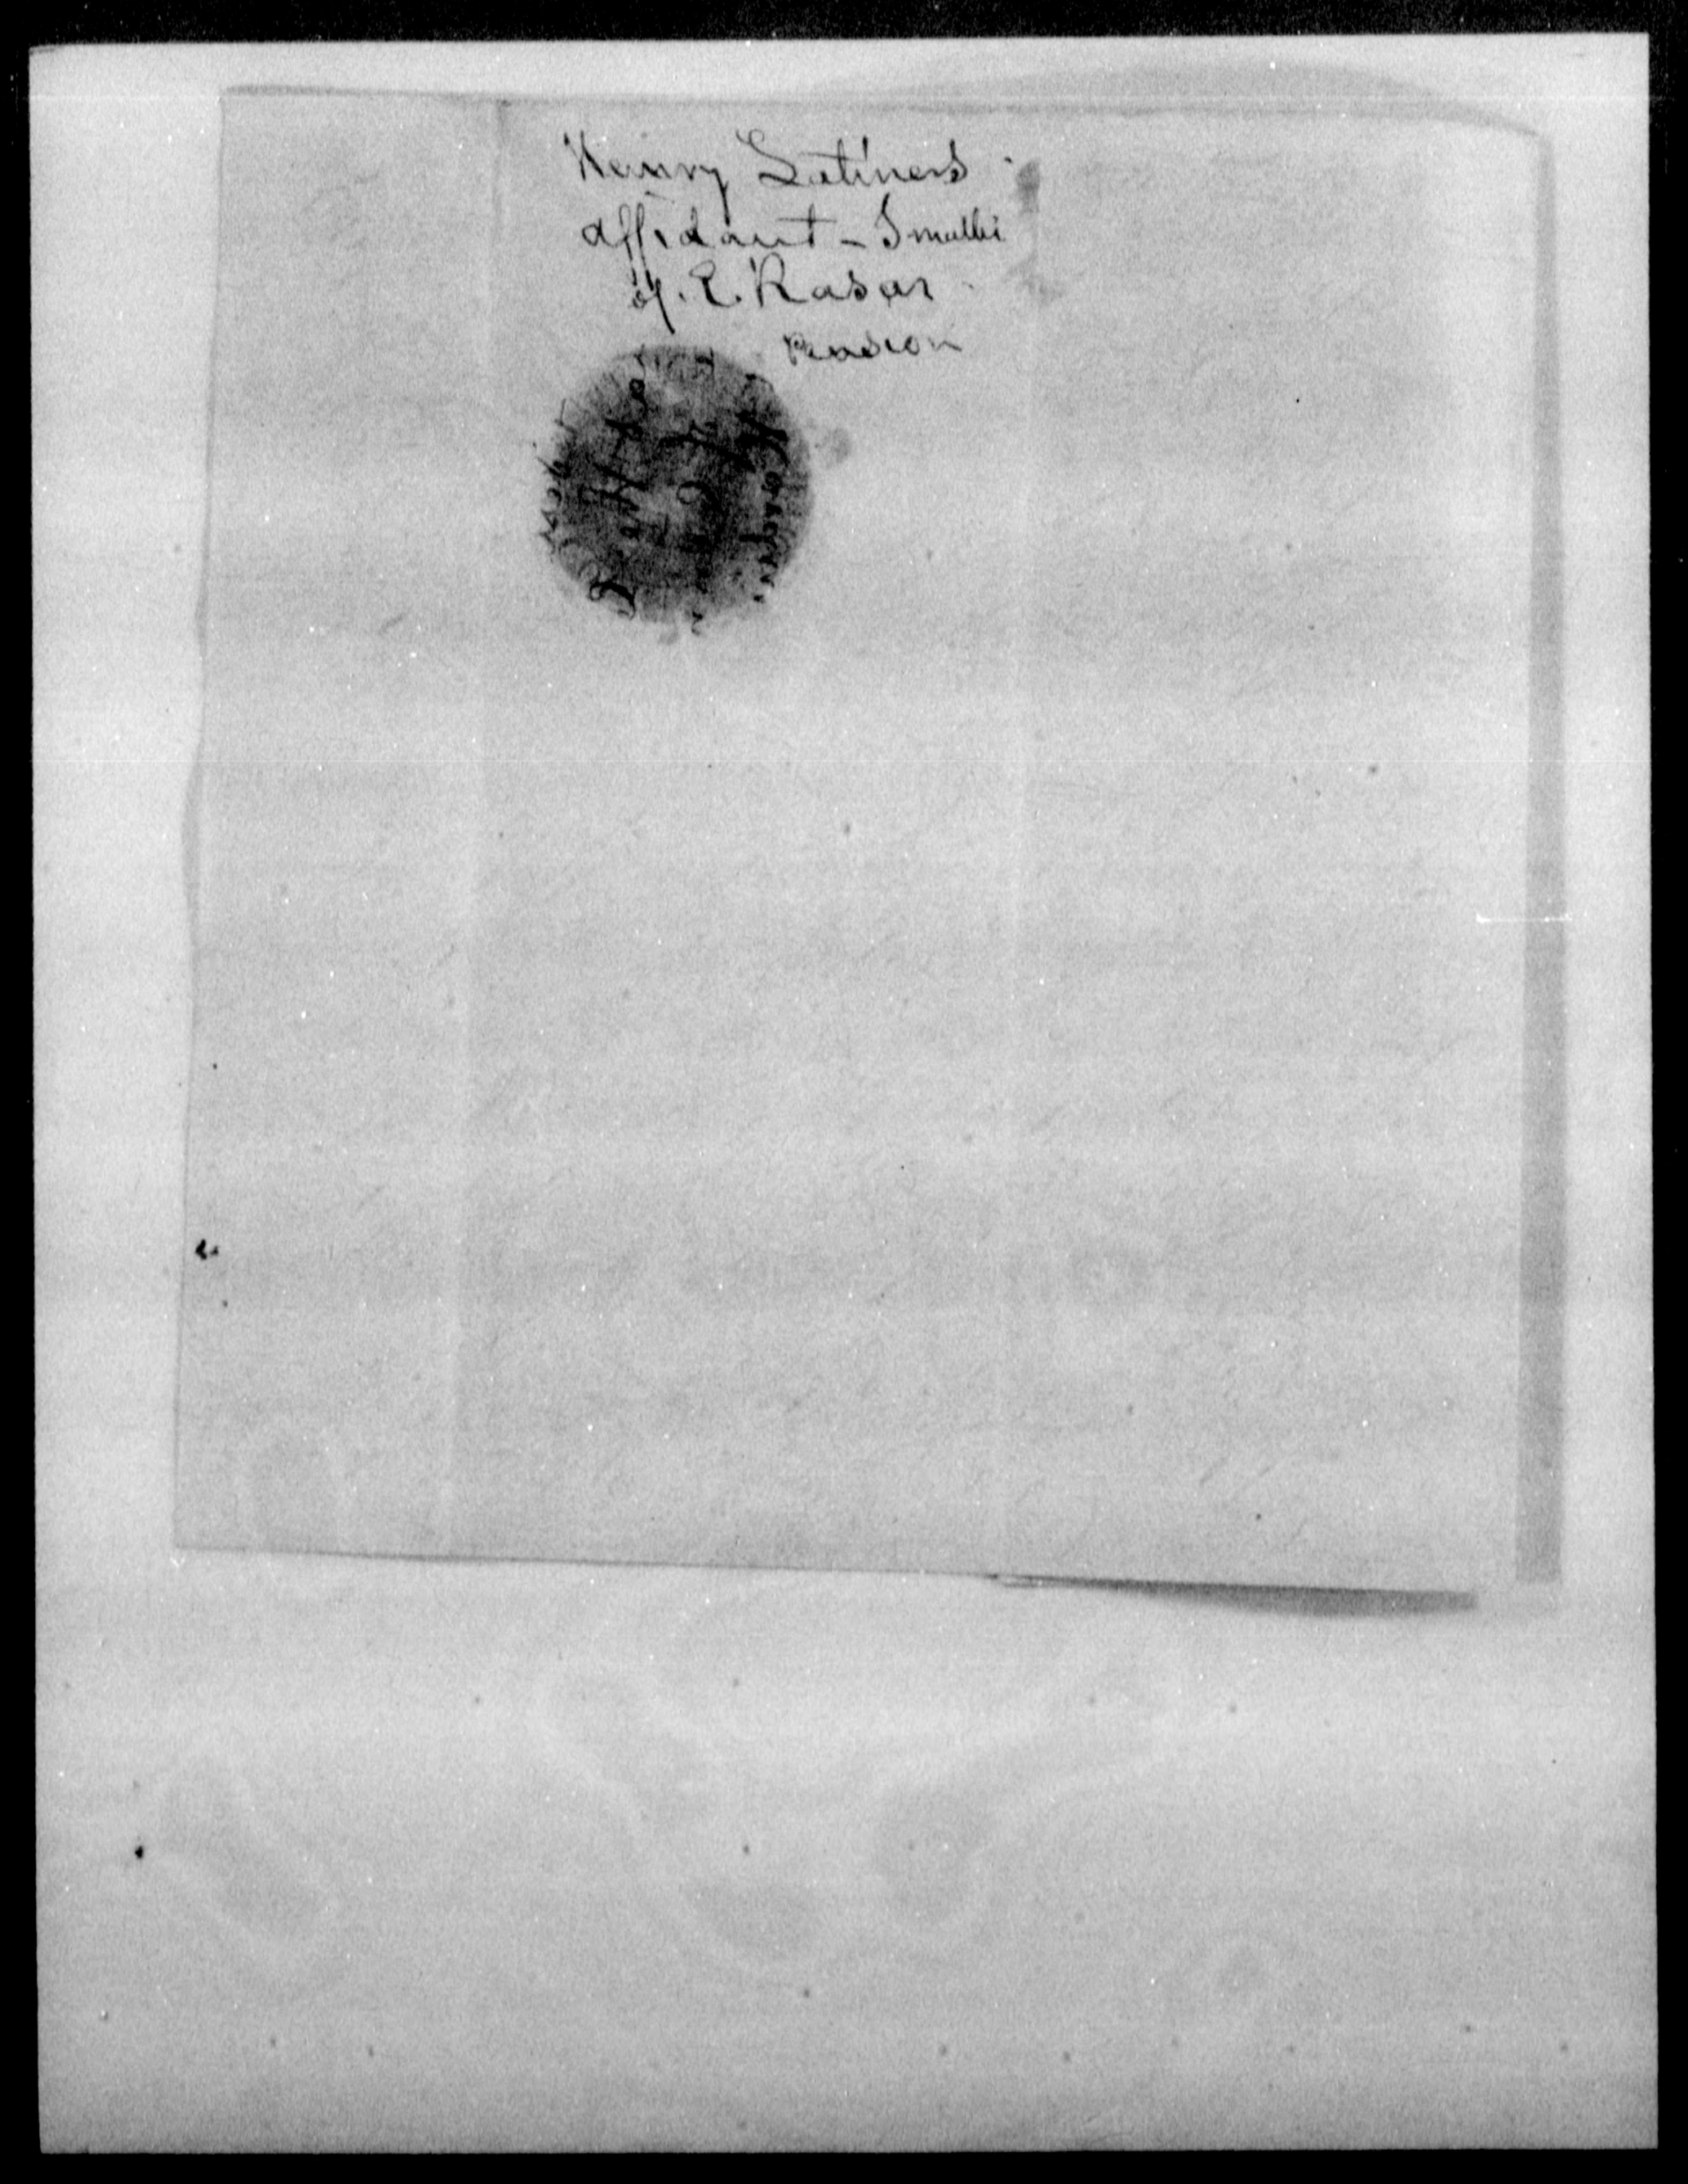Henry Latiner's
affidavit - [     ]
of E Rasar
Raseion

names: E Rasar; Henry Latiner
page: 25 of 30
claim: rejected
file: R. 8625, for Elisha Razar, Connecticut